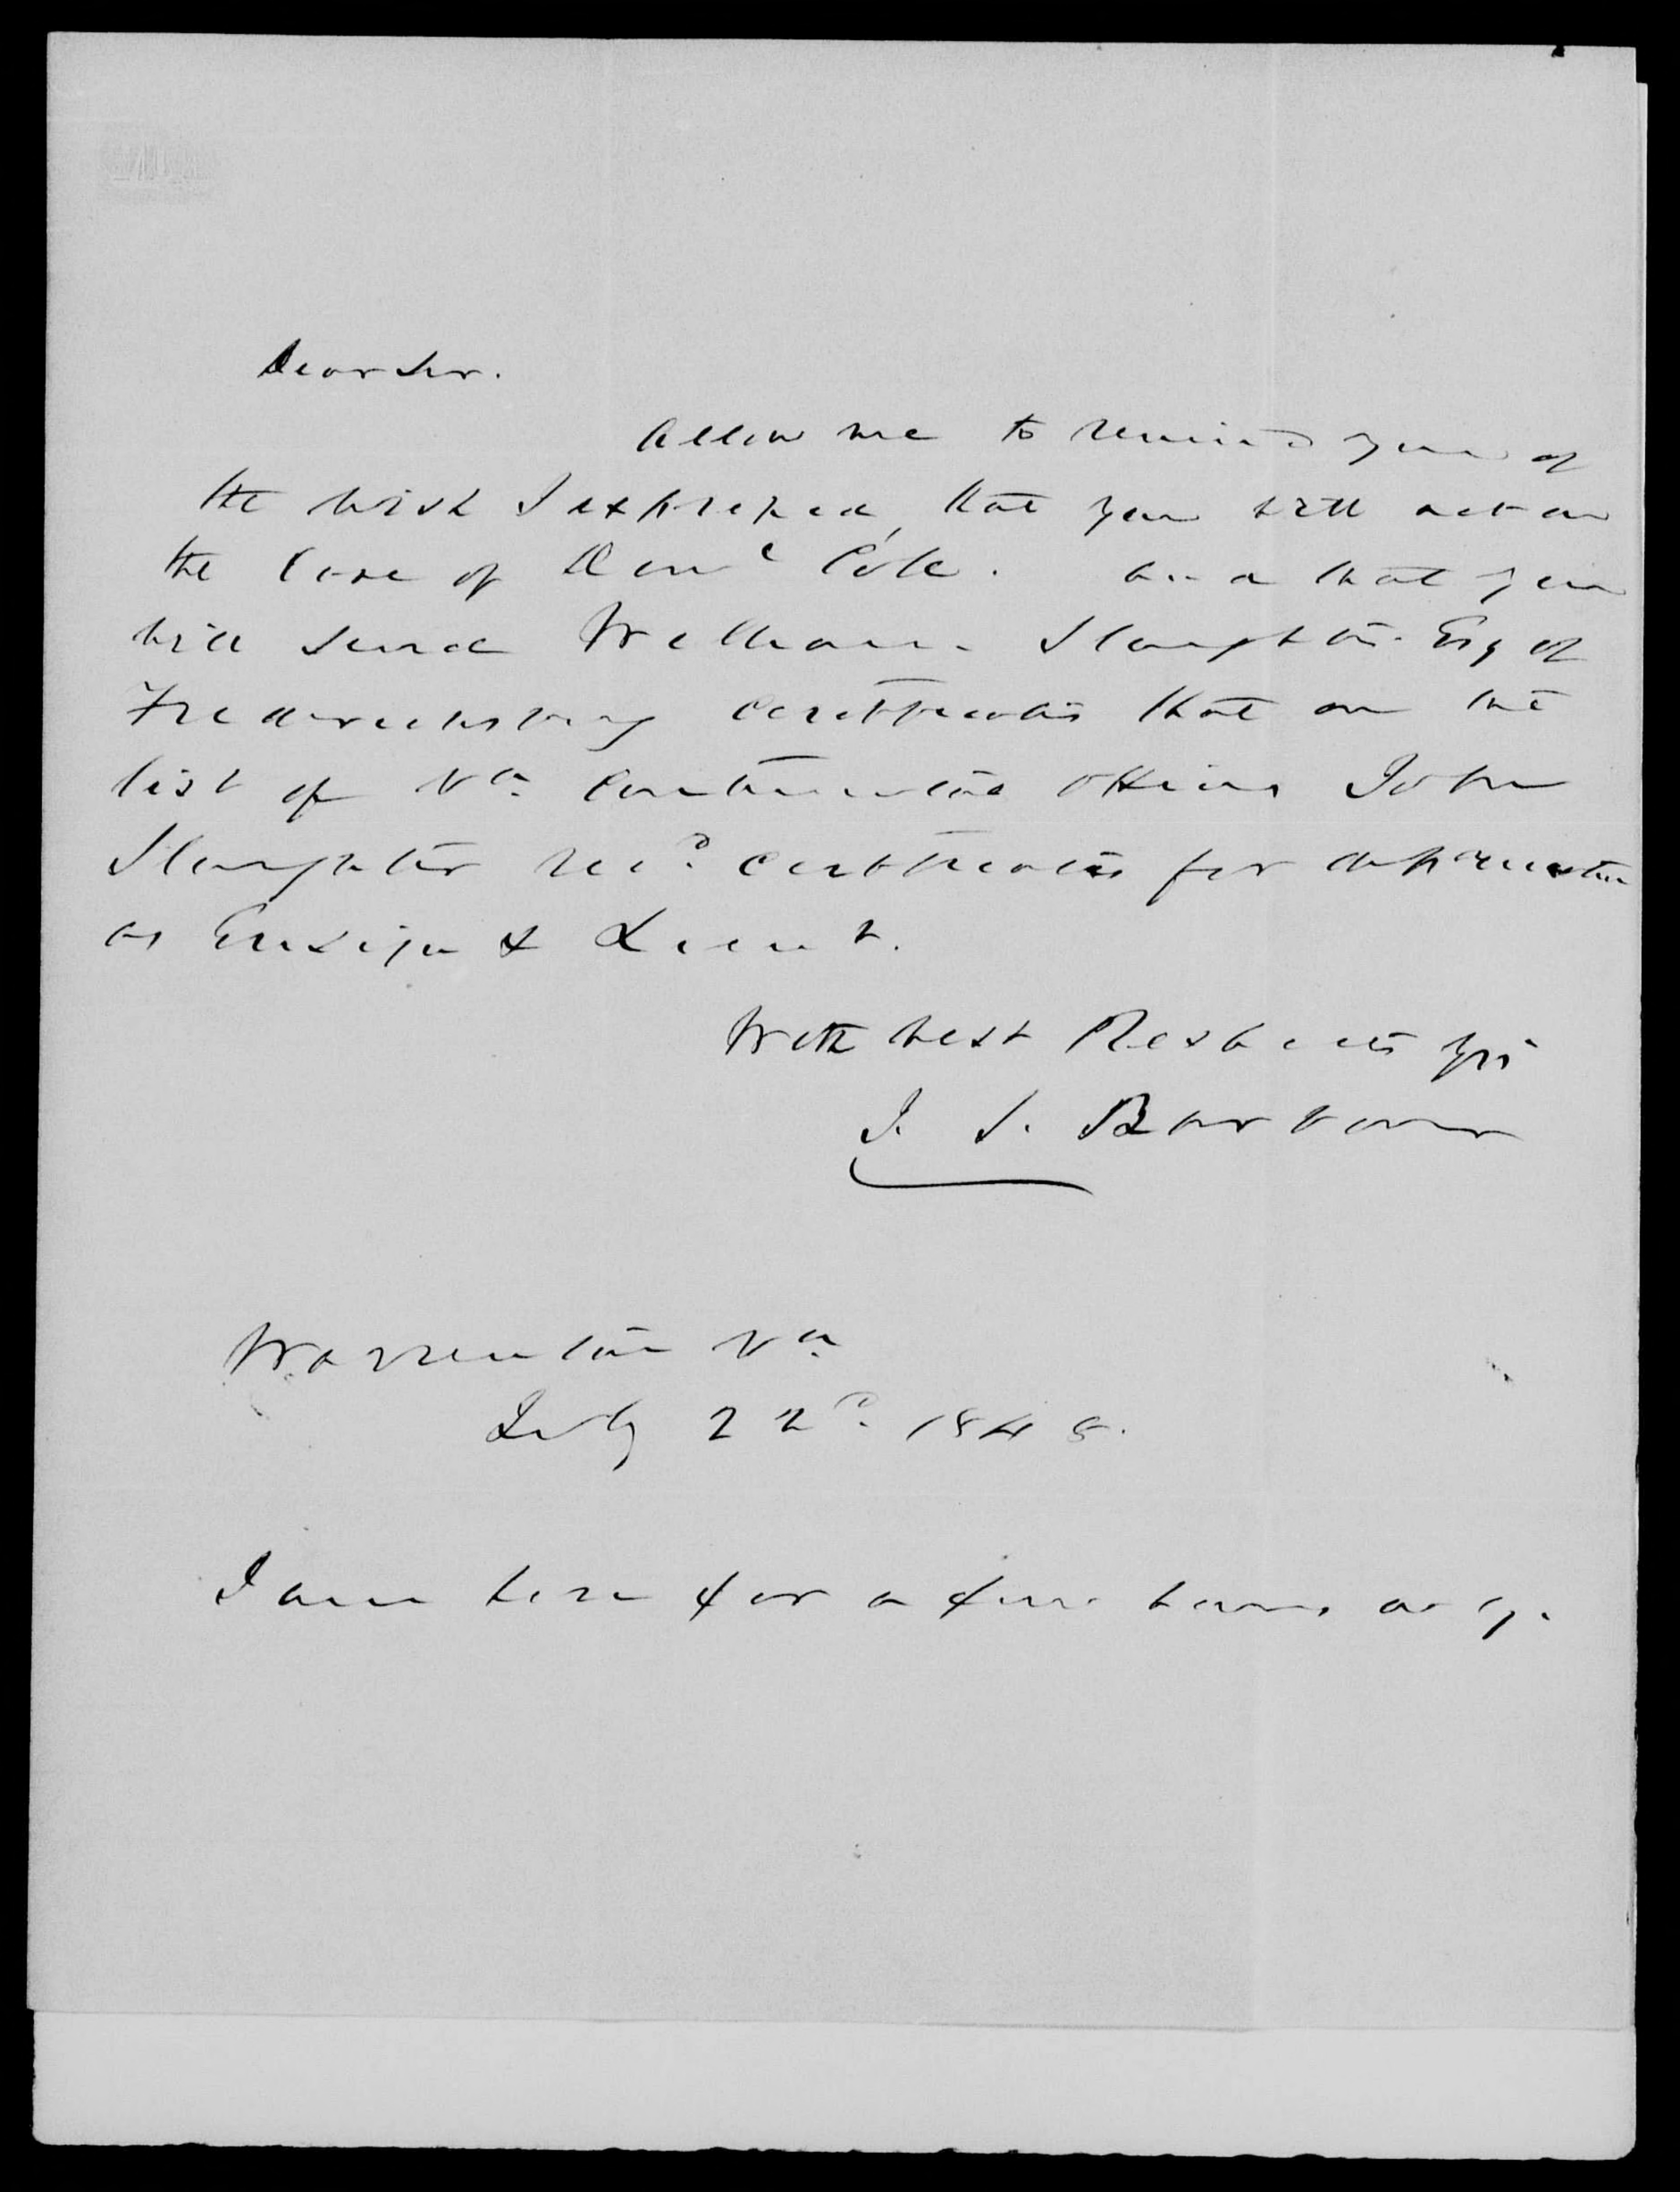Dear Sir.
Allow me to remind you of the wish I expressed that you will not act on the case of Daniel Cole and that you will send  William Slaughter Esq of Fredericksburg certificates that on the list of Va continental officers.  John Slaughter recd [received] certificates for ranks of ensign & Lieut [Lieutenant]
With best Respects Sir
J S Barbour


Warrenton Va
July 22d 1848
I am here 4 a few hours only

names: John Slaughter, William Slaughter, Danl Cole, J S Barbour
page: 46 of 61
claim: survivor's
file: S. 8236, Daniel Cole, Va.